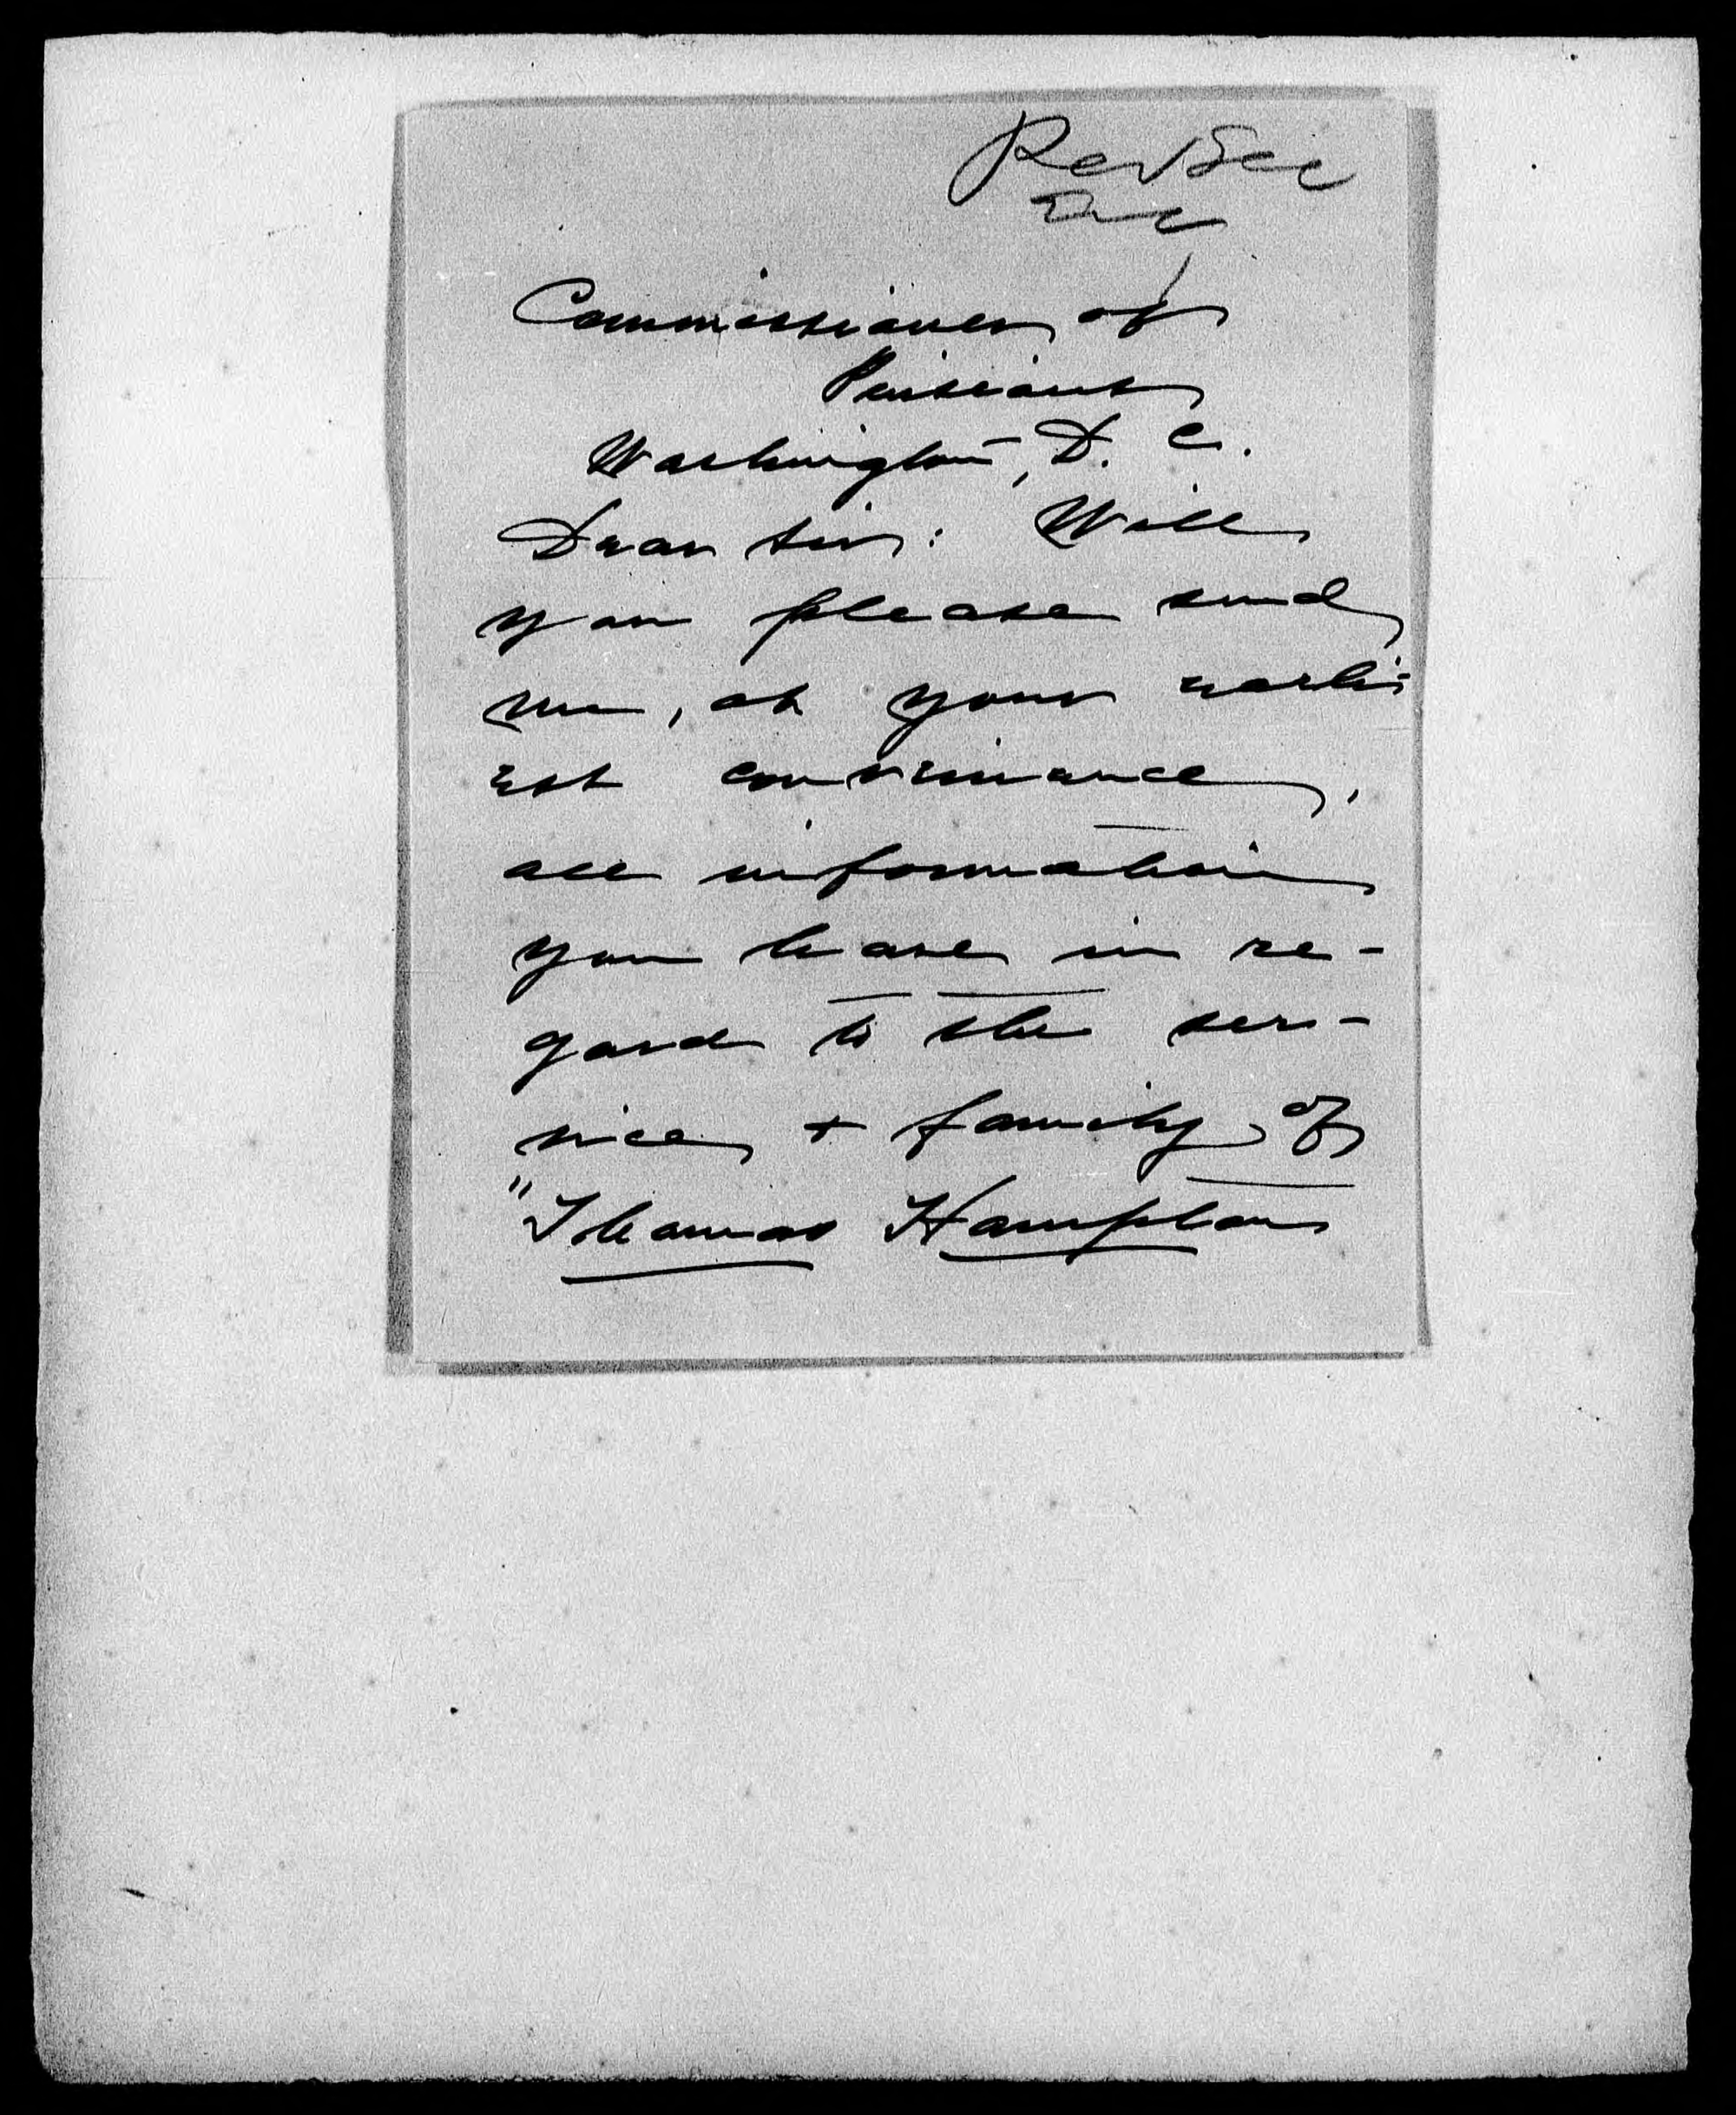Rev Sec
Enc

Commissioner of Pensions
Washington, D. C.
Dear Sir: Will you please send me, at your earliest convenience, all information you have in regard to the service & family of "Thomas Hampton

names: Thomas Hampton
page: 11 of 26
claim: survivor's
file: S. 16842, Thomas Hampton, Va.